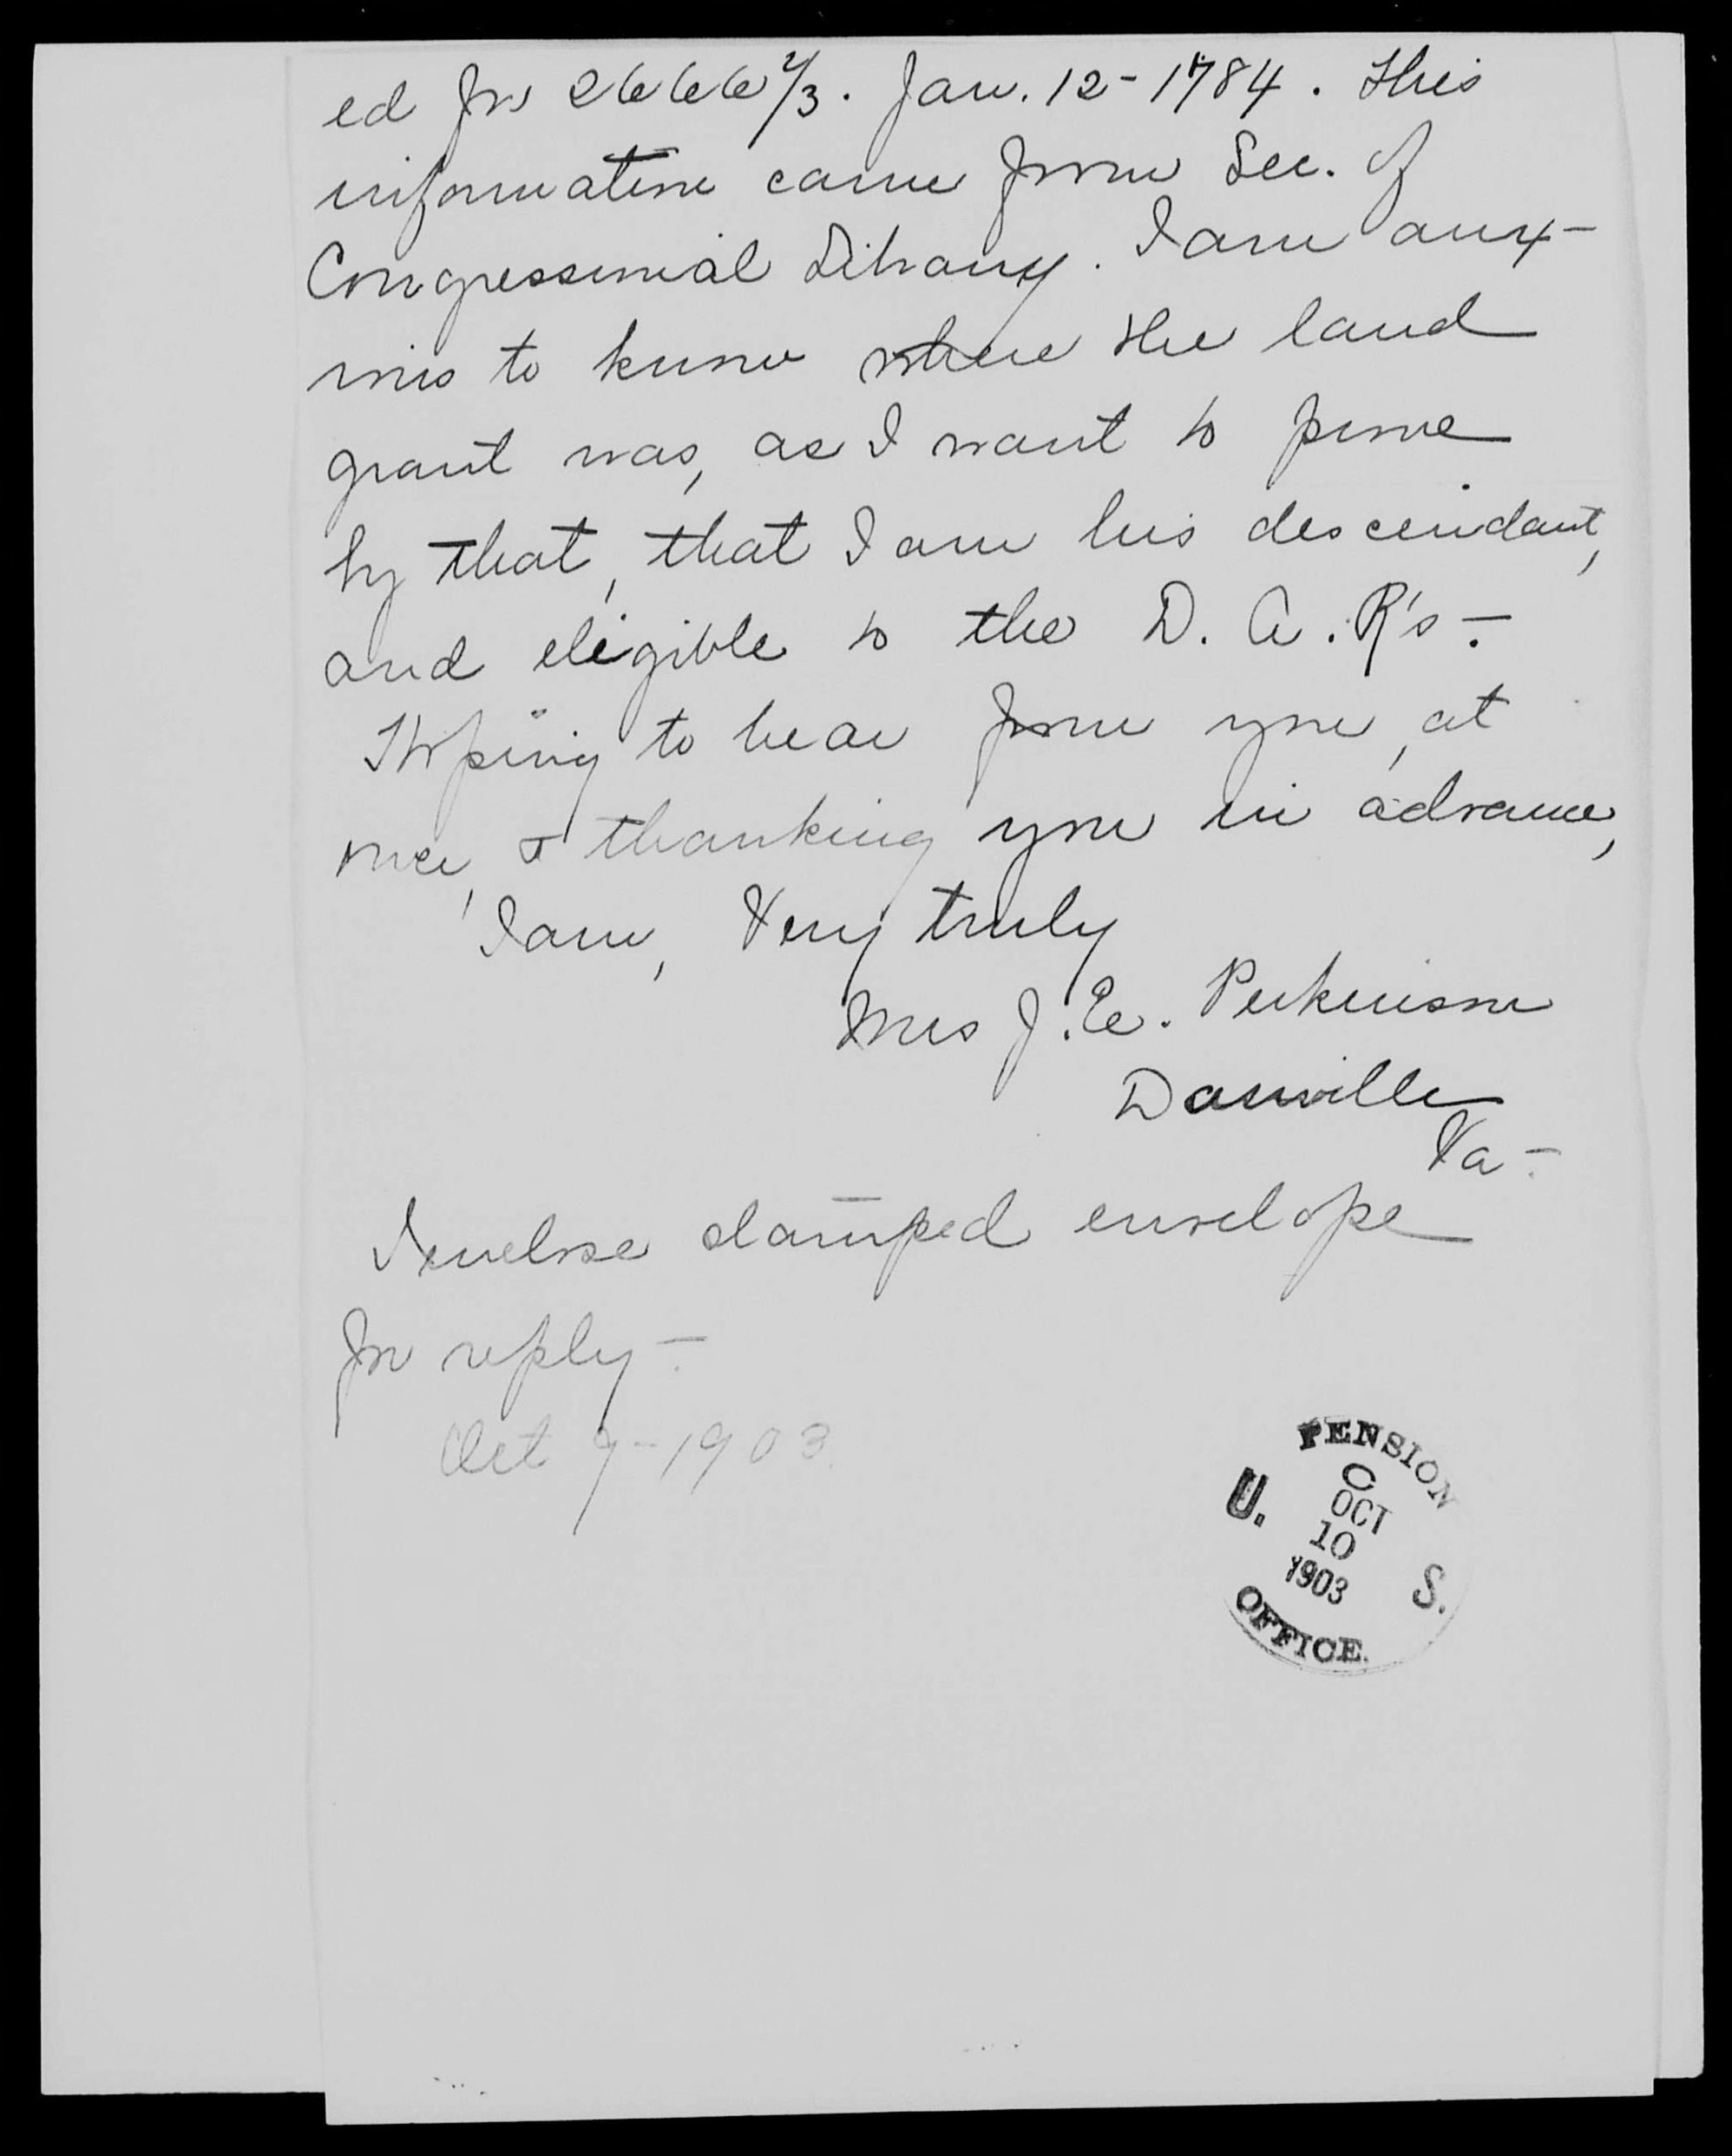obtained for 2666 2/3.  Jan. 12-1784.  This information came from Sec. of Congressional Library.  I am anxious to know where the land grant was, as I want to prove by that, that I am his descendant, and eligible to the D. A. R's - Hoping to hear from you, at once, & thanking you in advance,
I am, Very truly
Mrs. J. E. Perkinson
Danville
Va. -

I enclose stamped envelope for reply -
Oct 9 - 1903

[stamped] U. S. PENSION OFFICE C OCT 10 1903 [/stamped]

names: J E Perkinson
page: 40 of 43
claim: widow's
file: W. 5,626, Nathan Anderson, Va.